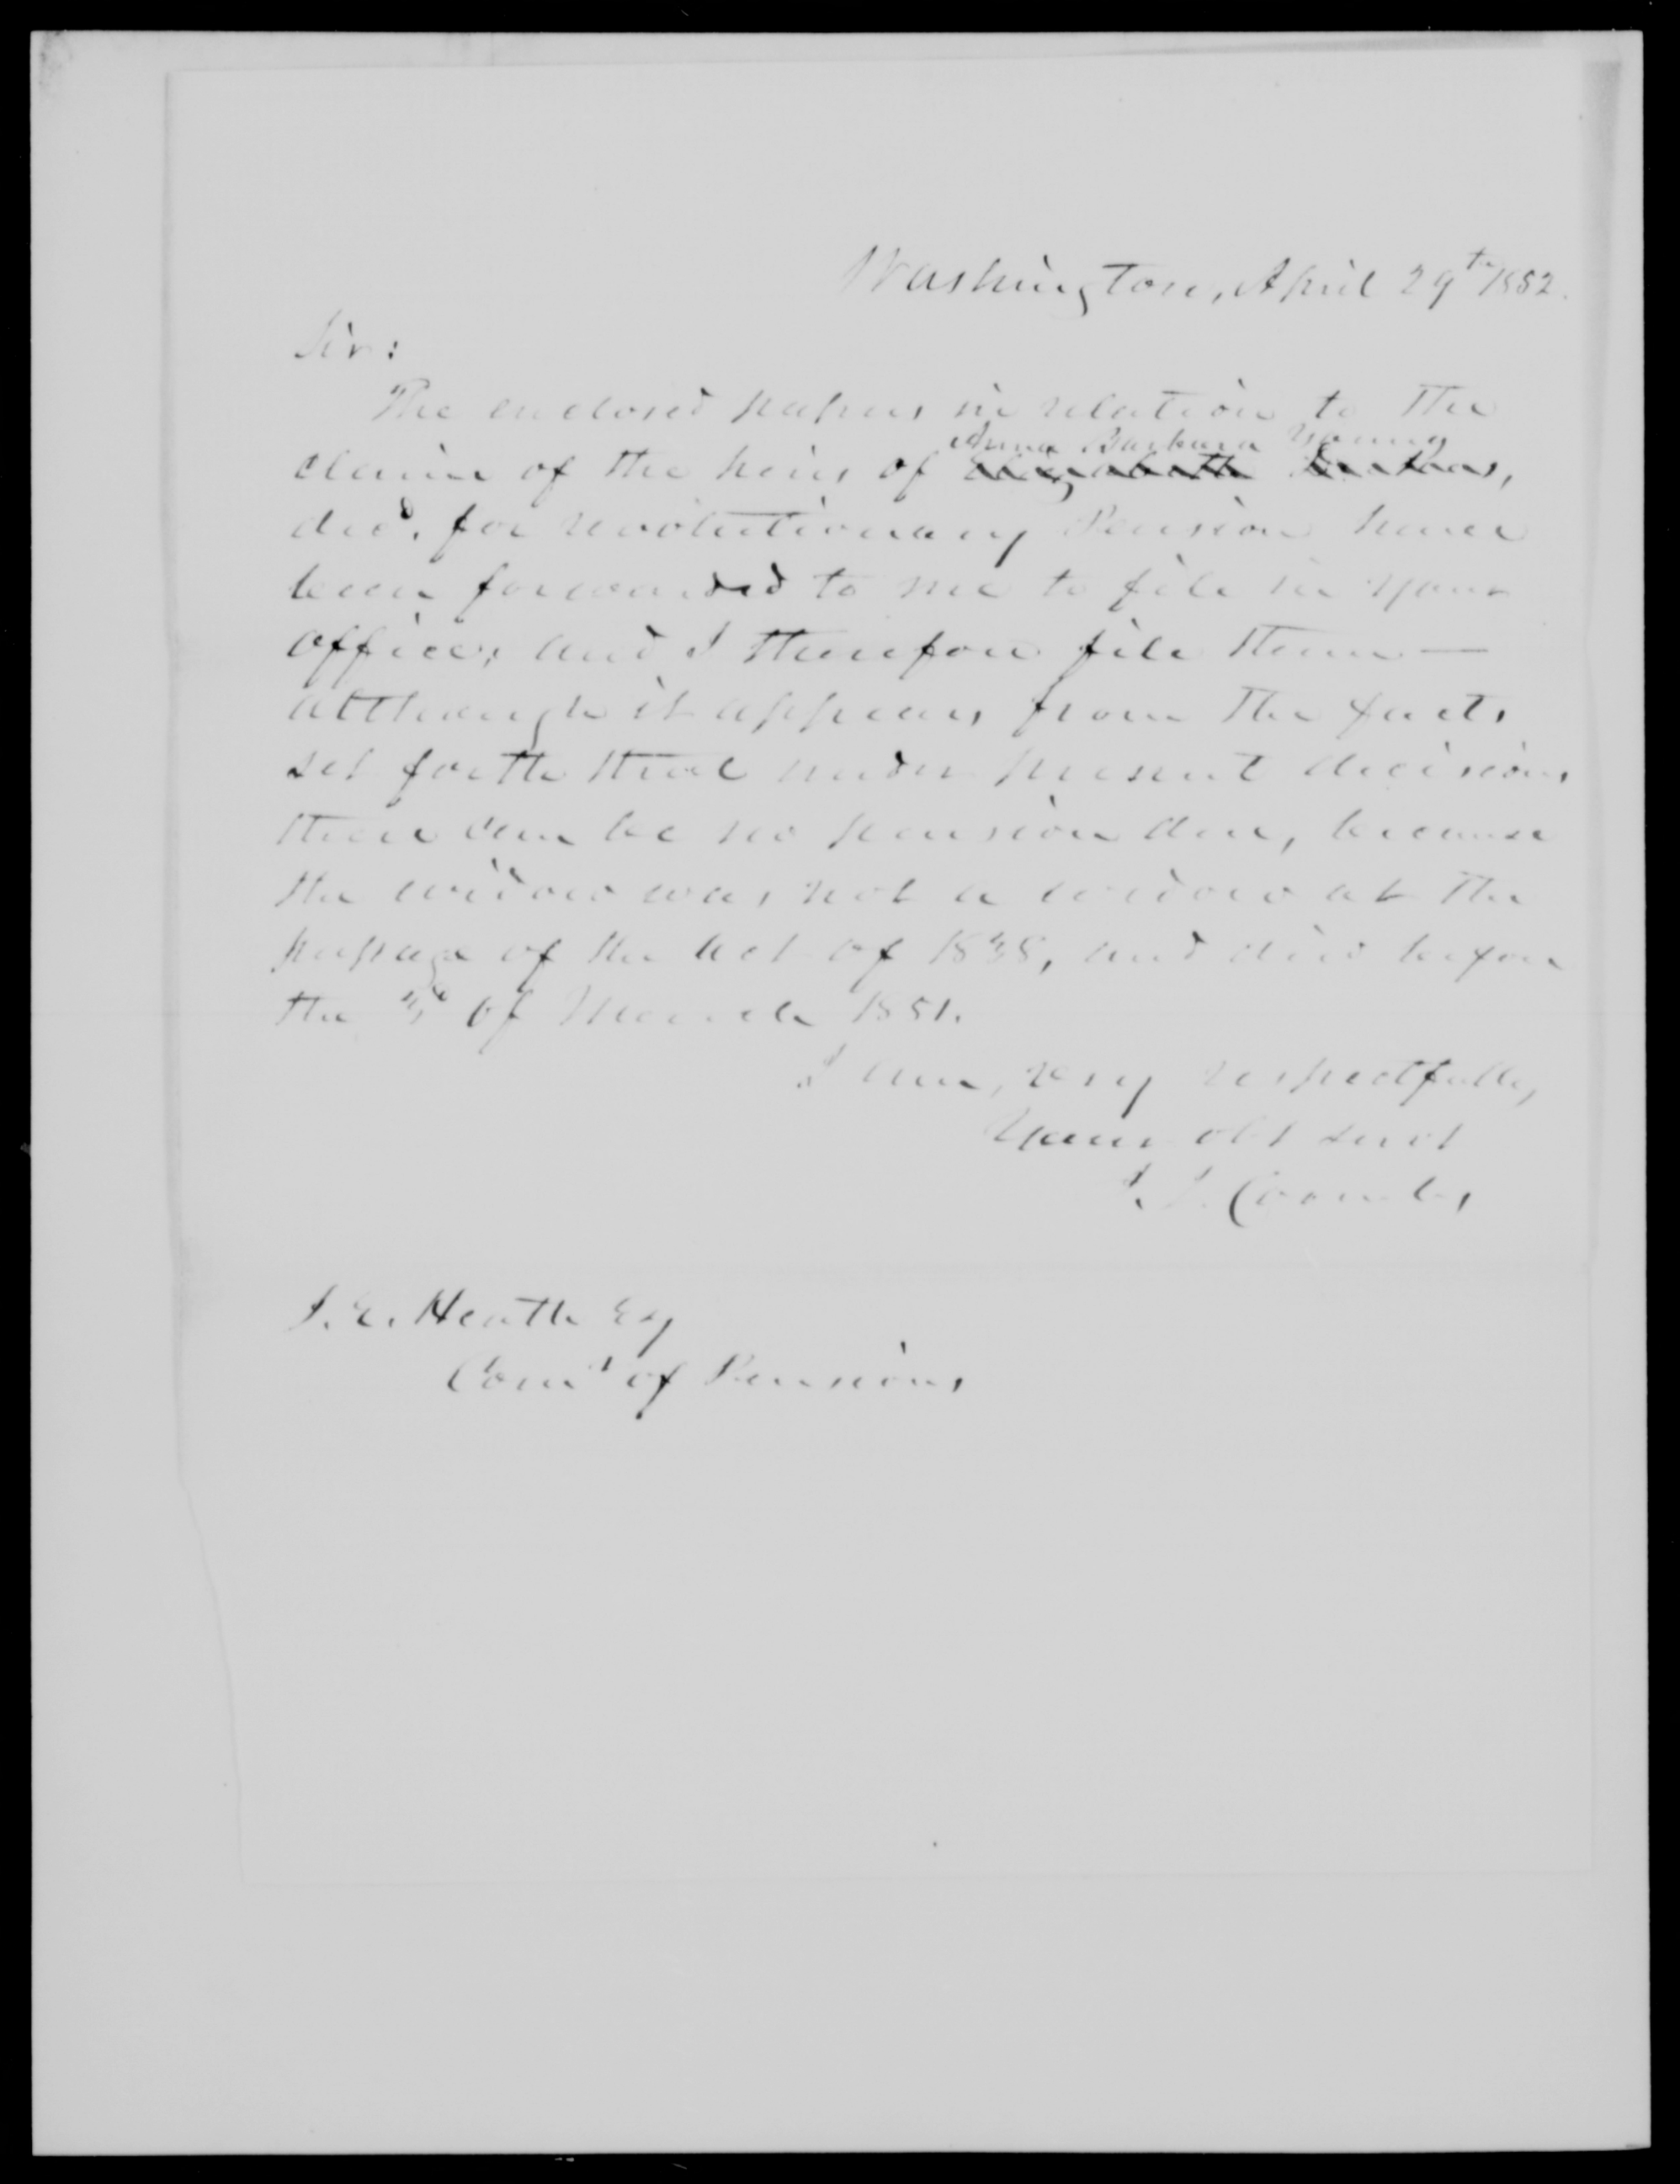Washington, April 29th 1852
Sir
The enclosed papers in relation to the
claim of the heirs of Anna Barbara Young
dec’d for revolutionary Pension have
been forwarded to me to file in your
office, and I therefore file them. 
Although it appears from the facts
set forth that under present decision
there can be no pension due, because
the widow was not a widow at the
passage of the act of 1838, and died before
the 3rd of March 1851.
I am, very respectfully
Your Ob’t Serv’t
J J Coombs

J.E. Heath Esq
Com’r of Pensions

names: Anna Barbara Young, J E Heath, J J Coombs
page: 72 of 123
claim: rejected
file: R. 11,949, Matthias Young, Md.